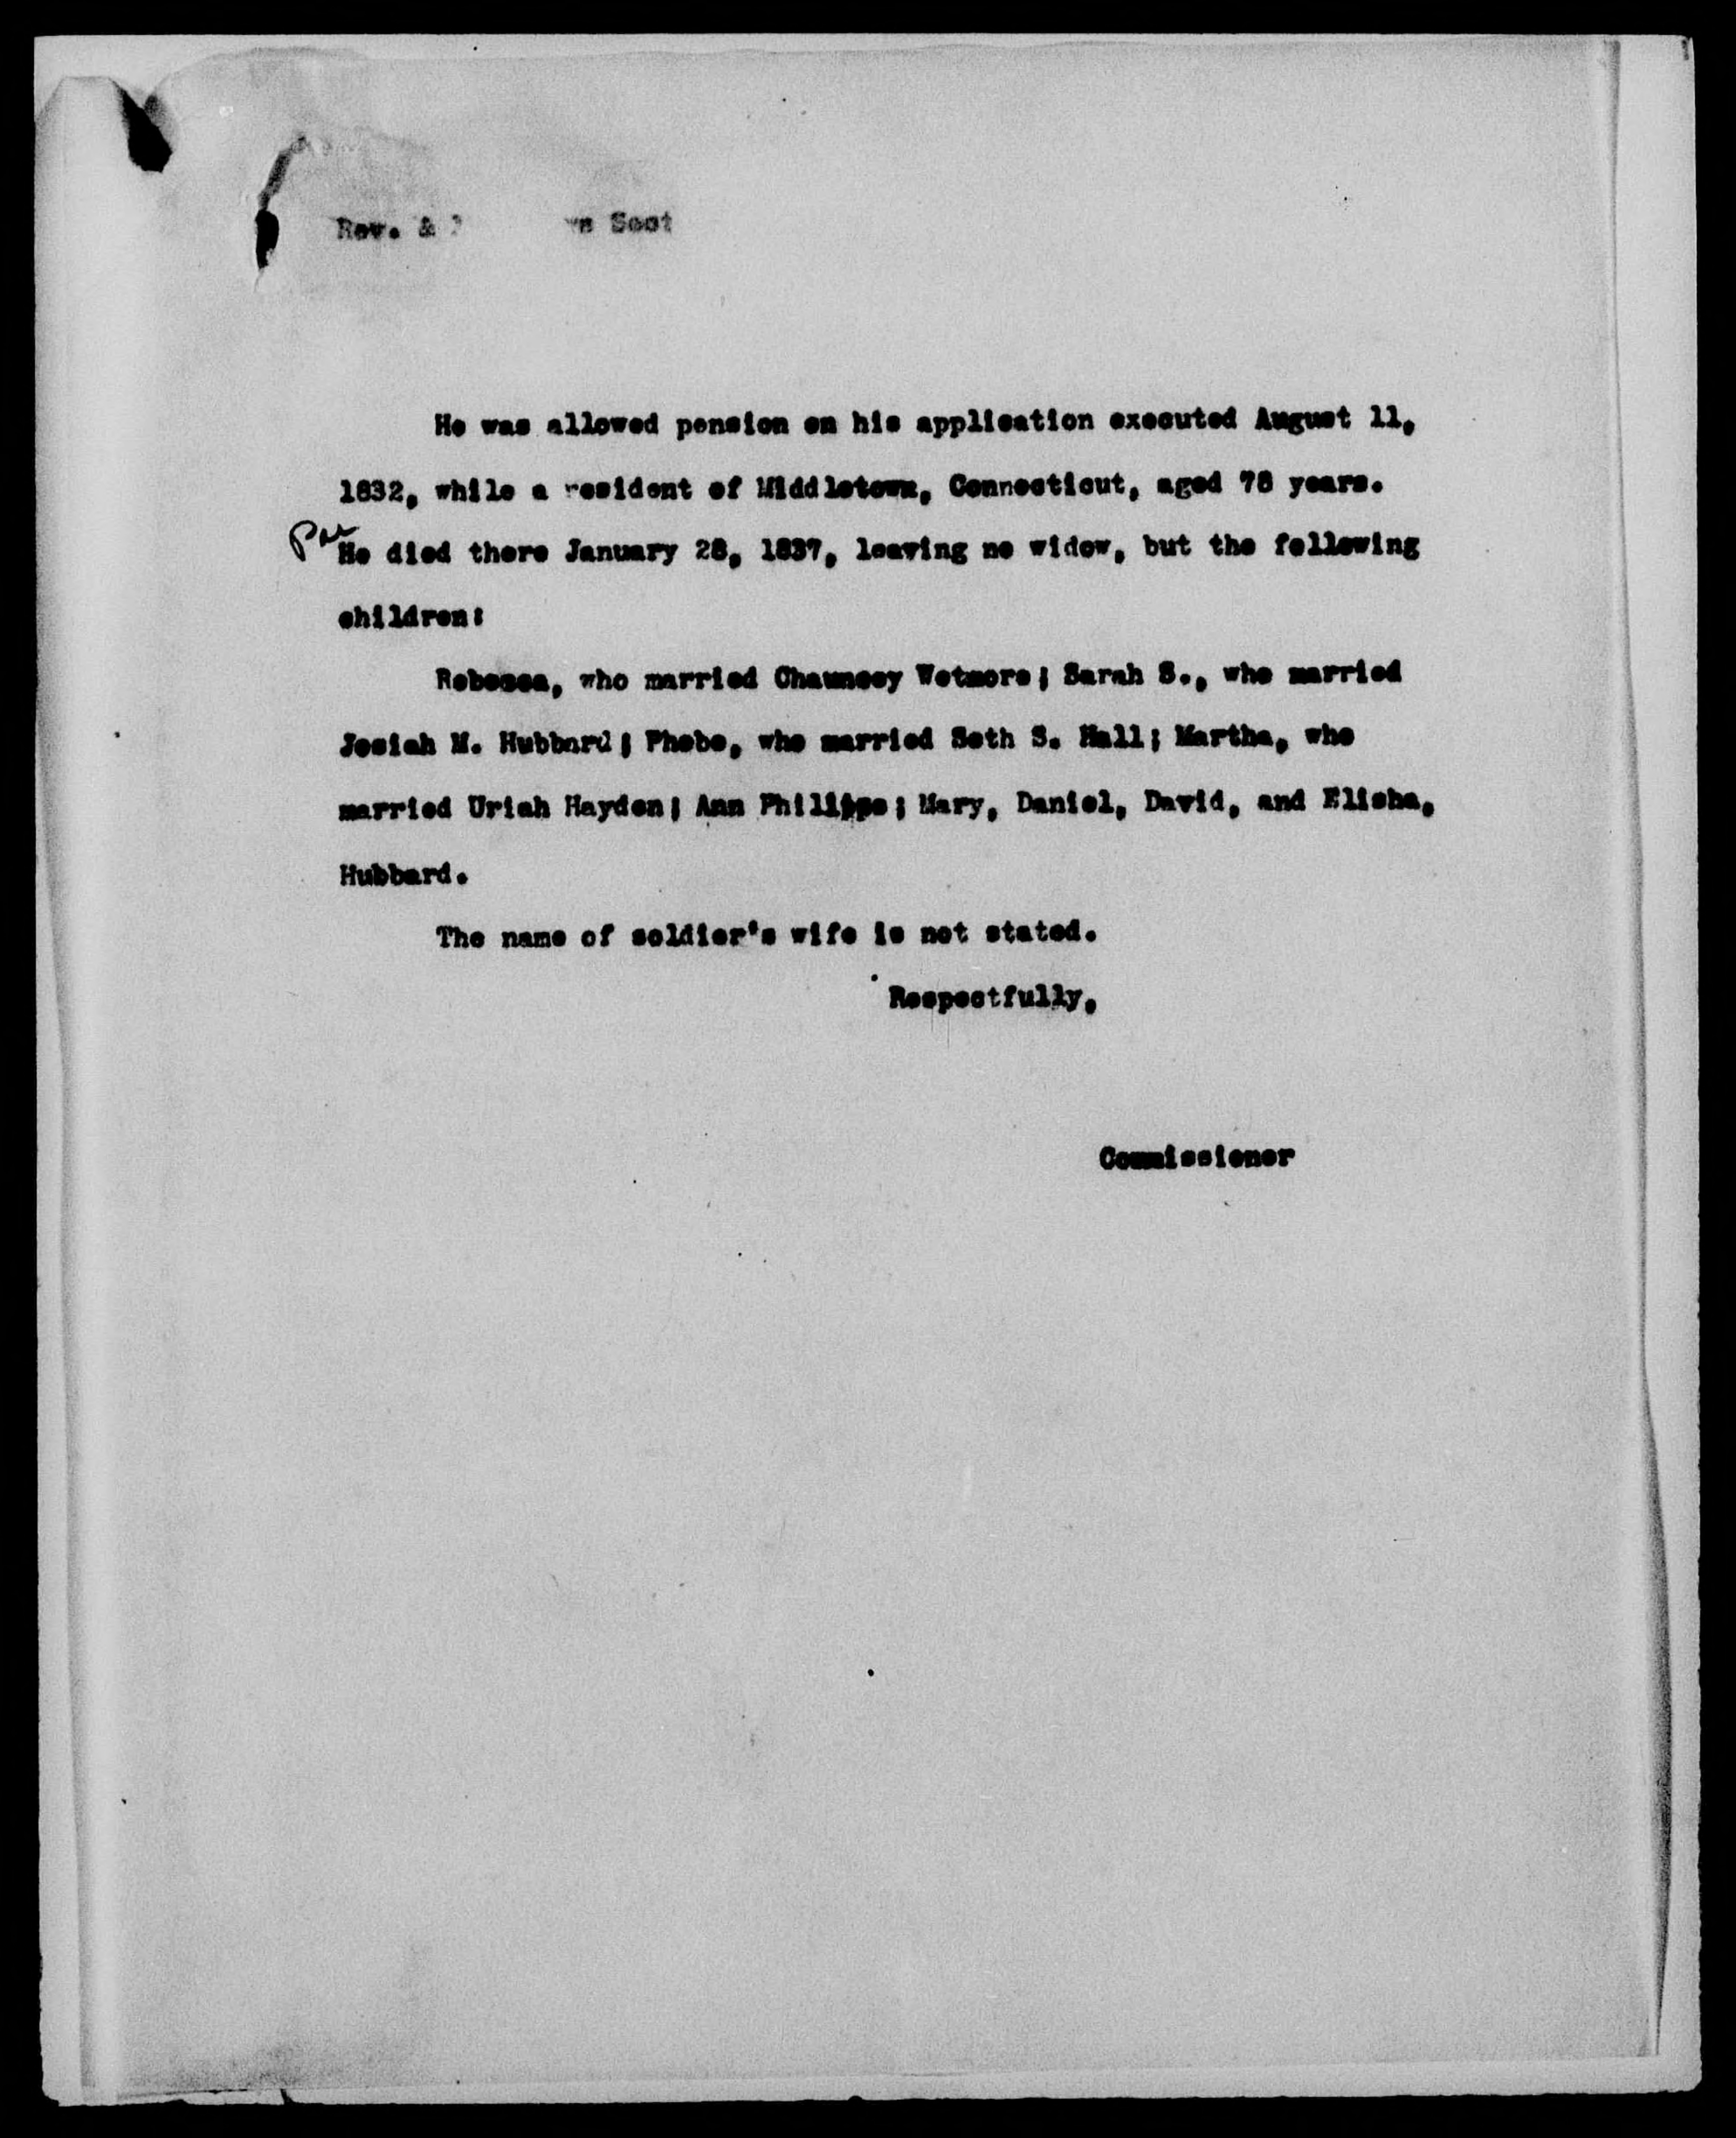He was allowed pension on his application executed August 11, 1832, while a resident of Middletown, Connecticut, aged 78 years. He died there January 28, 1837, leaving no window, but the following children:
Rebecca, who married Chauncey Wetmore; Sarah S., who married Josiah M. Hubbard | Phebe, who married Seth S. Mall; Martha, who married Uriah Hayden | Ann Phillipe; Mary, Daniel, David, and Elisha, Hubbard.
The name of soldier's wife is not stated.
Respectfully,

Commissioner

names: Uriah Hayden, Mary Hubbard, Elisha Hubbard, Josiah M Hubbard, Rebecca, Martha, Chauncey Wetmore, Sarah S, David Hubbard, Seth S Hall, Daniel Hubbard, Phebe, Ann Phillips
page: 14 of 63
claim: survivor's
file: S. 18457, Elisha Hubbard, Conn. Continental